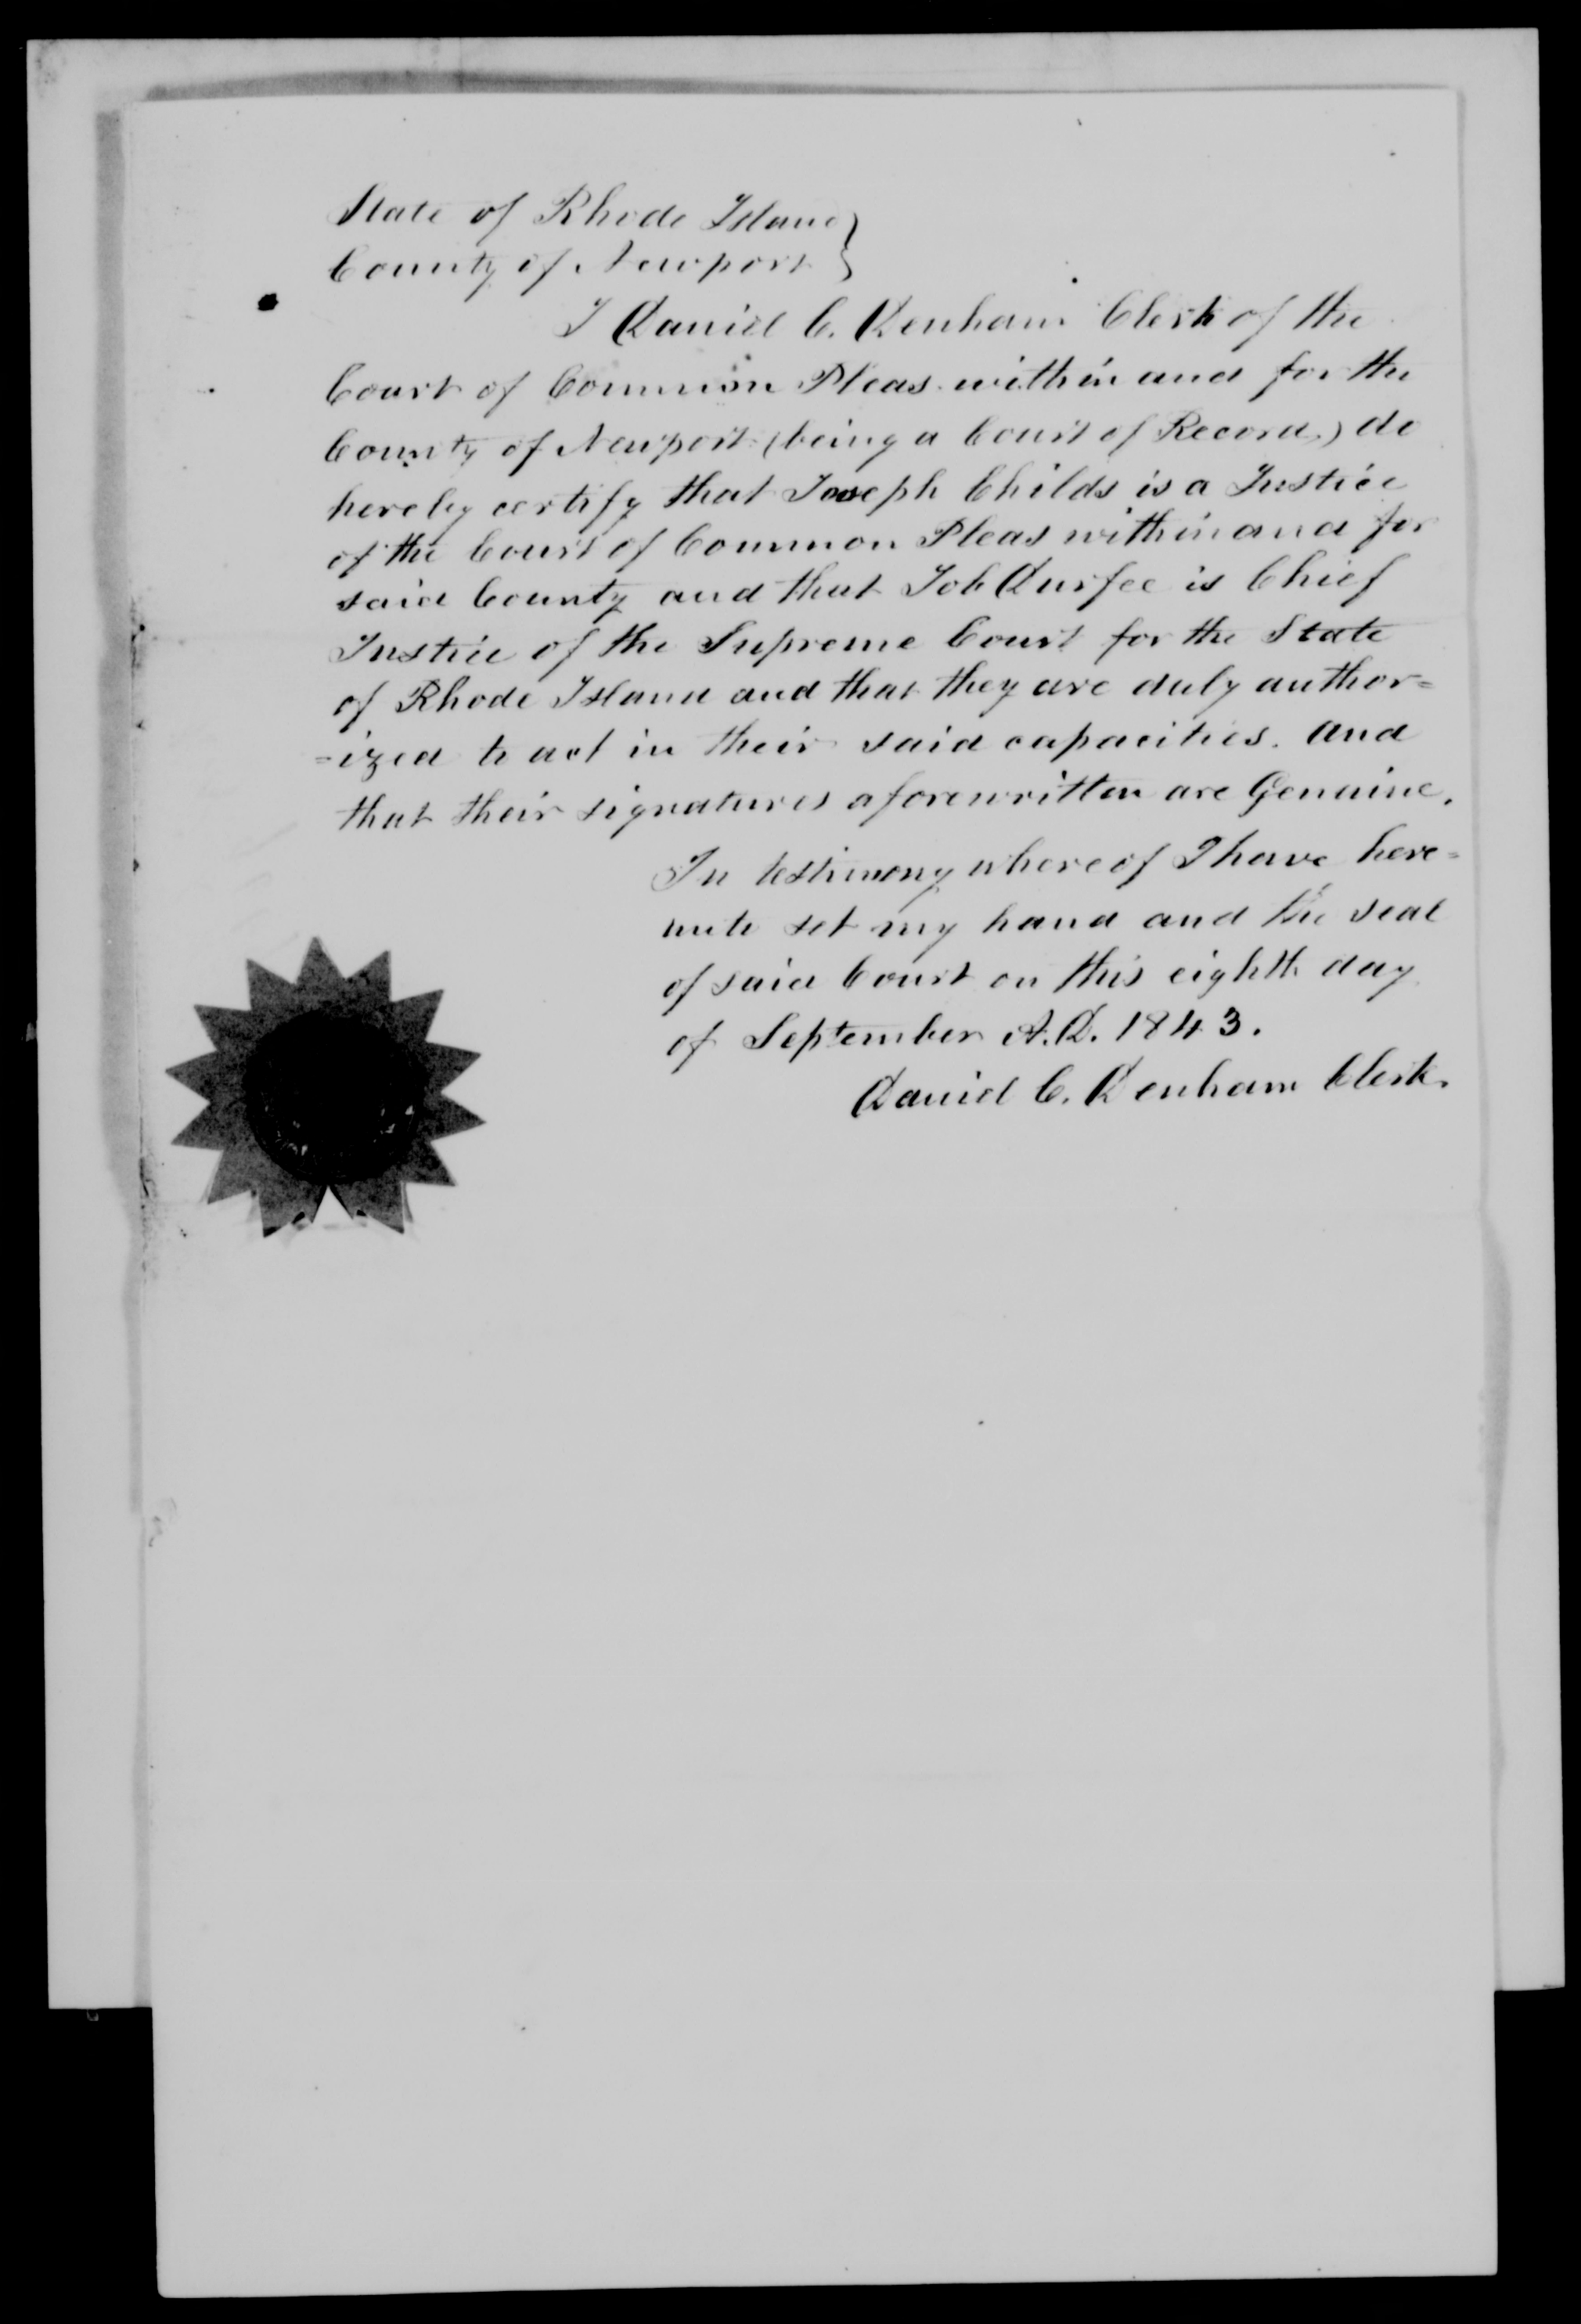State of Rhode Island
County of Newport
I Daniel C. Denham Clerk of the
Court of Common Pleas within and for the
County of Newport (being a Court of Record) do
hereby certify that Joseph Childs is a Justice
of the Court of Common Pleas within and for
said County and that Job Durfee is Chief
Justice of the Supreme Court for the State of
Rhode Island and that they are duly authorized to act in their said capacities. And
that their signature afore written are Genuine
In testimony whereof I have here
unto set my hand and the seal
of said Court on this eighth day
of September A.D. 1843.
Daniel C. Denham Clerk
[14 pointed seal]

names: Job Durfee, Joseph Childs, Daniel C Denham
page: 7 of 39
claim: widow's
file: W. 26046, Thomas Willcox, R.I.